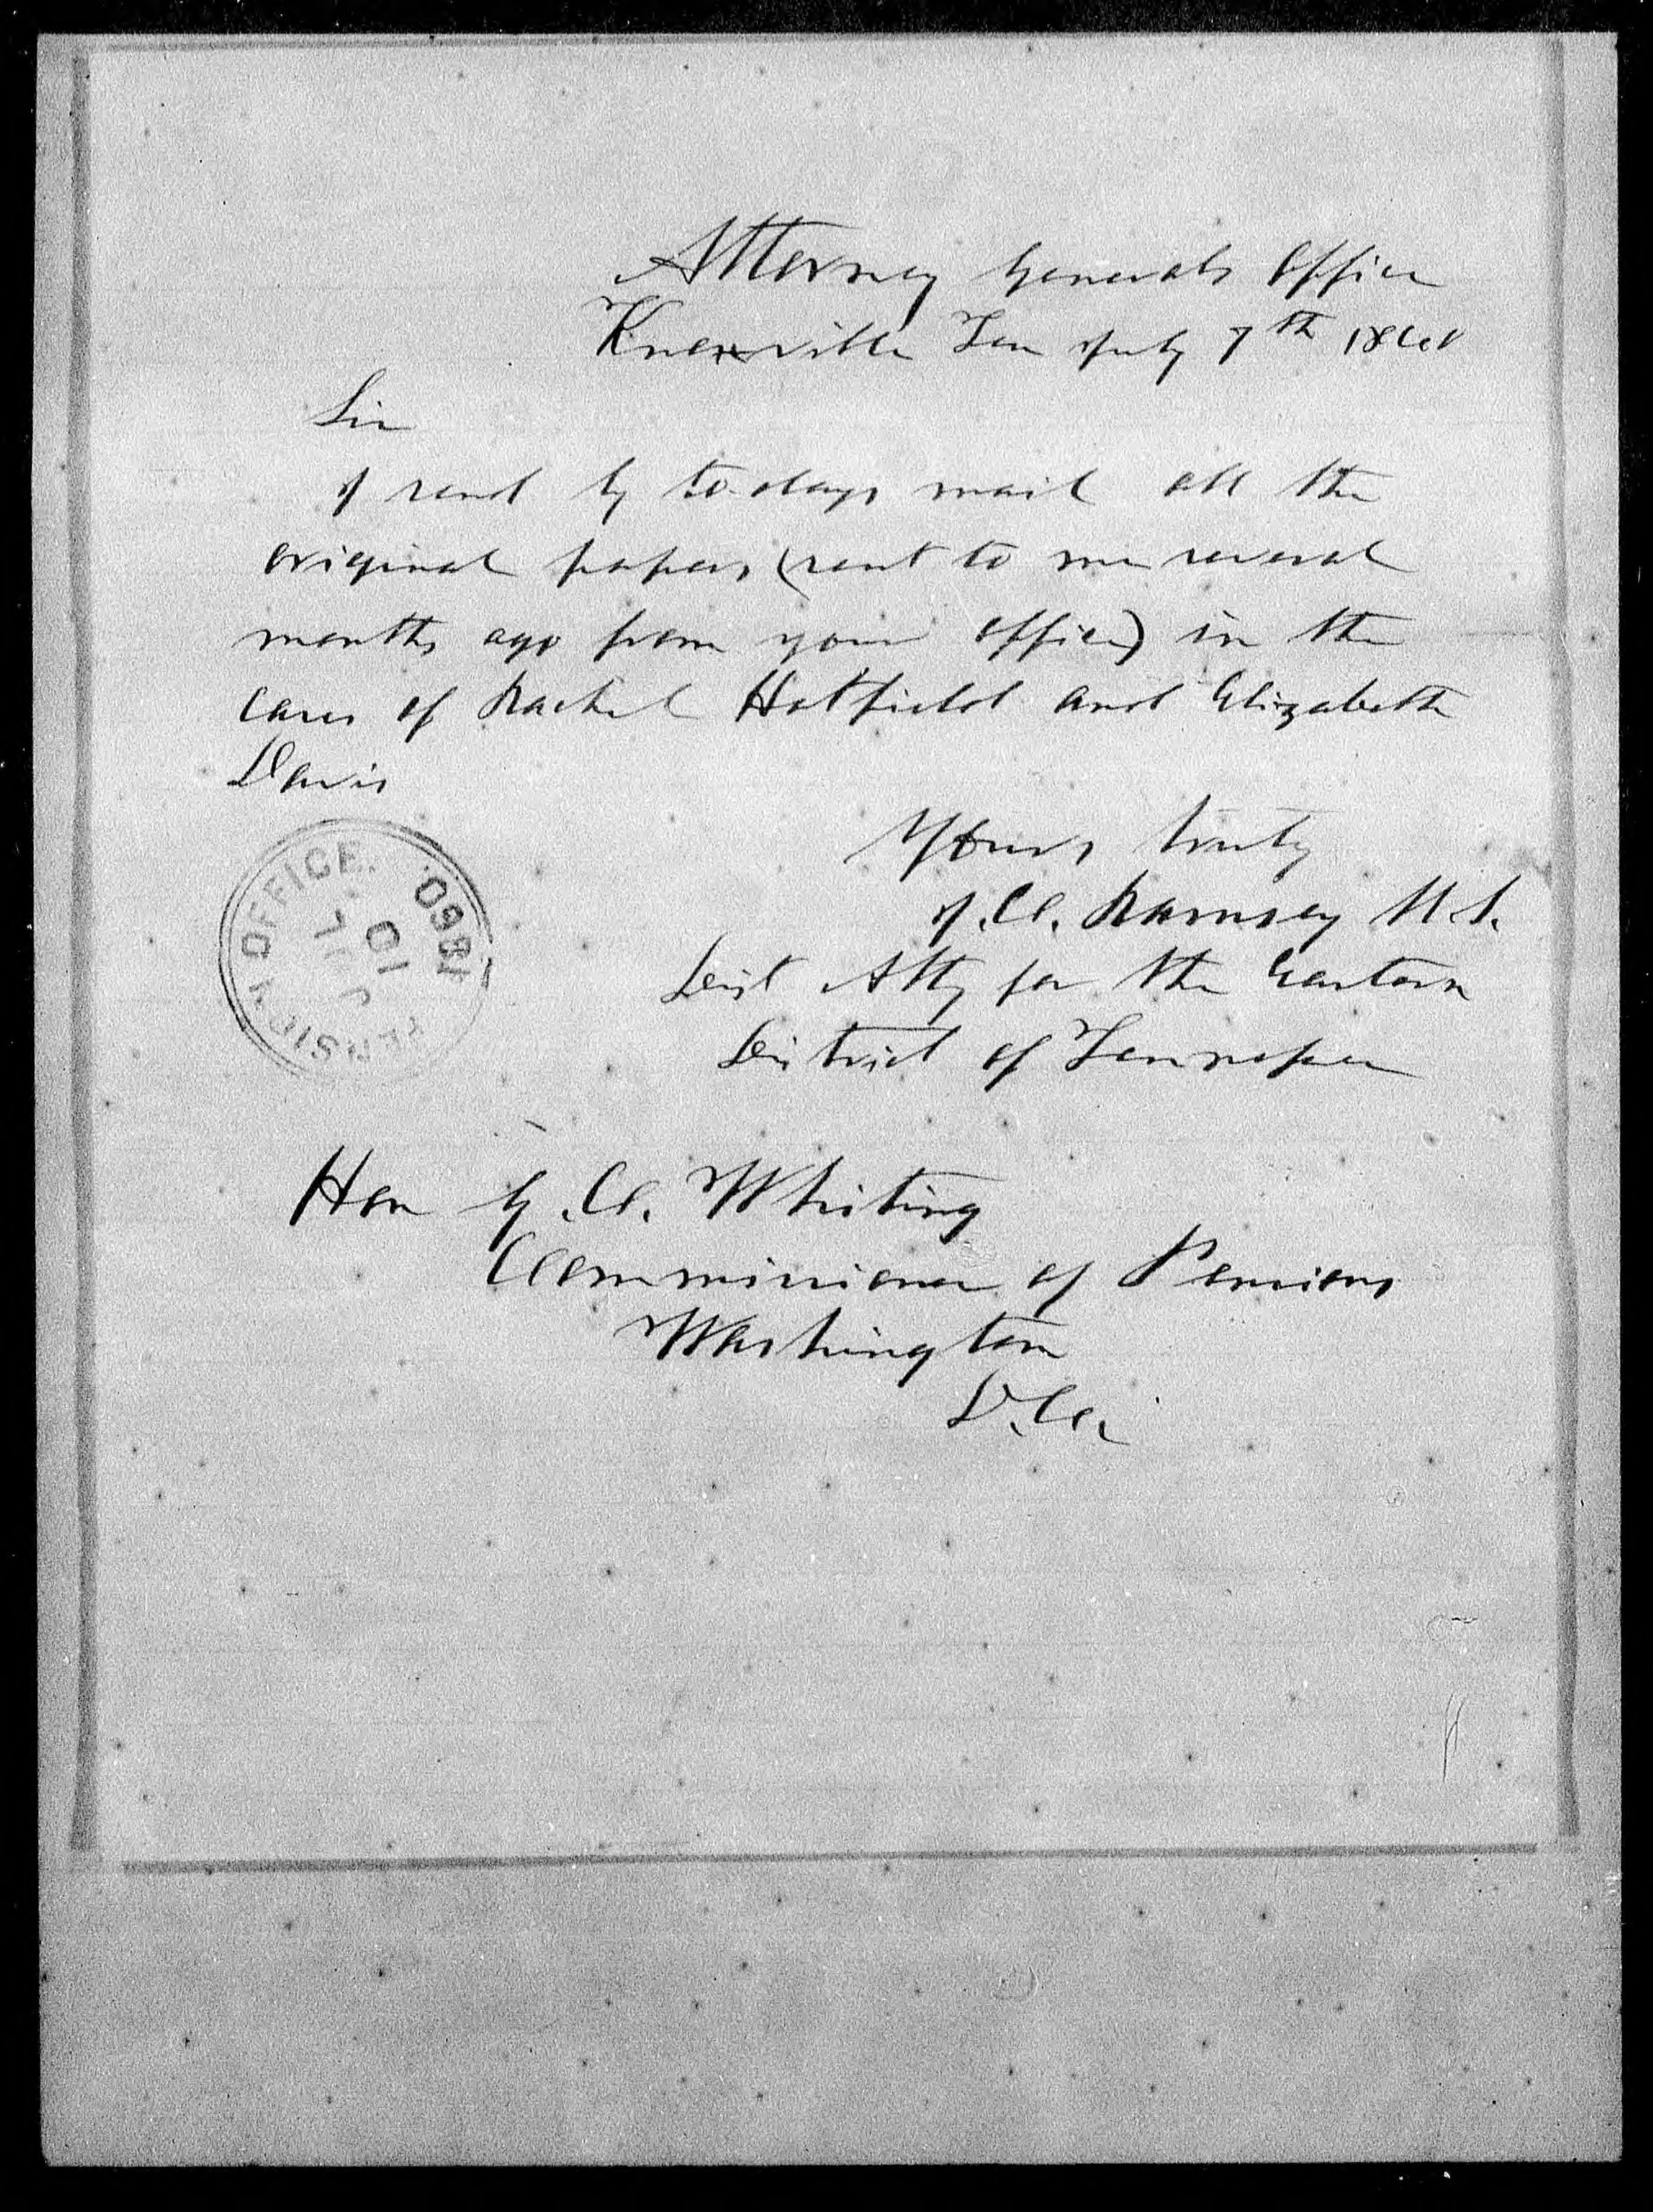Attorney Generals Office
Knoxville Ten July 7th 1860
Sir
I sent by todays mail all the
Original papers (sent to me several
months ago from your Office) in the
cases of Rachel Hatfield and Elizabeth
Davis
Yours truly
J. C. Ramey MS.
Dist Atty for the Eastern
District of Tennessee

(stamp)
PENSION OFFICE.
JUL 10 1860

Hon G. C. Whiting
Commissioner of Pensions
Washington
D.C.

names: G C Whiting, J C Ramsey, Elizabeth Davis, Rachel Hatfield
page: 10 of 74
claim: widow's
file: W. 5, Joseph Hatfield, Va.